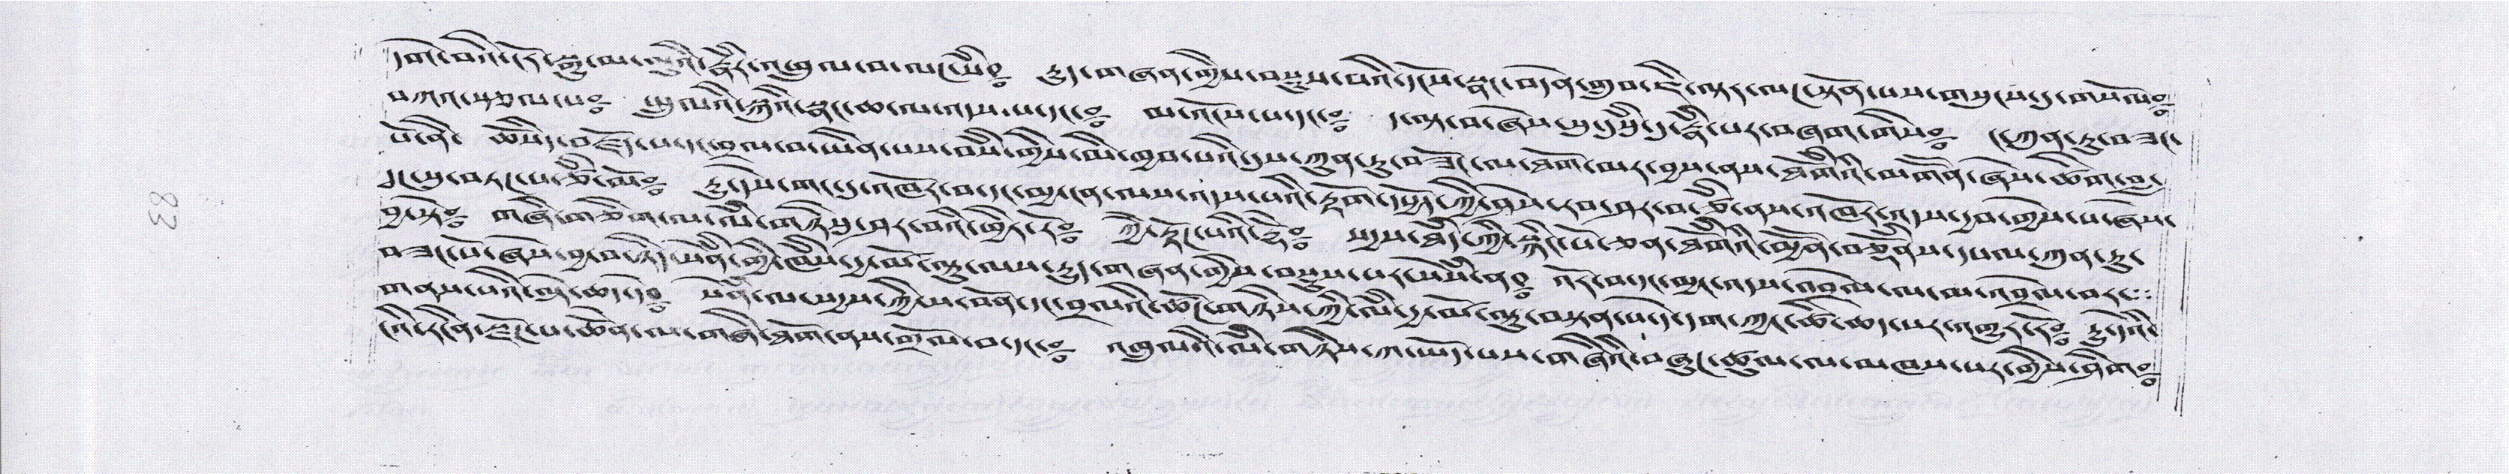དགེ་བའི་ངོར་སྒྱུ་མ་ལྟ་བུའི་རྣམ་པར་འཕྲུལ་པ་ལགས་སམཿ རྒྱུད་གཞན་གྱིས་བསྡུས་པའི་དངོས་སྣང་བདེན་གྲུབ་ཇི་ལྟར་ལགས་སྟོན་པས་གསུངས་དུ་གསོལཿ 
བཀའ་སྩལ་པ། སྤྲུལ་པའི་སྐུའི་སྣང་ཆ་ལས་འདས་པ་དངཿ མ་འོངས་པ་དངཿ ད་ལྟ་བ་ཞེས་དུས་གསུམ་དུ་རྣམ་པར་གཞག་གིསཿ ང་ཀུན་ཏུ་བཟང་
པོ་ནི་ཆོས་ཉིད་བརྗོད་པ་དང་བྲལ་བ་ཡིན་པས་བསམ་གྱིས་མི་ཁྱབ་པའི་དུས་ཀུན་ཏུ་བཟང་པོ་ལ་ཐོག་མར་བྱས་ནས་ཐོག་མའི་མགོན་པོ་ཞེས་ཚིག་བླ་
དྭགས་སུ་བཏགས་པ་ཙམ་མོ། རྒྱུ་དེས་འཁོར་བ་དང་མྱ་ངན་ལས་འདས་པའི་རྟོག་དཔྱོད་ཀྱི་ཤེས་རབ་ཤར་བ་ཙམ་ནས་འཁོར་འདས་རྒྱས་གྱེས་པ་ཞེས་
བྱ་སྟེཿ གཞི་གཅིག་ལམ་གཉིས་སུ་ཤར་བའི་ཕྱིར་རོཿ ཀྱེ་རྟོགས་པའི་རྡོ་རྗེཿ སངས་རྒྱས་ཐམས་ཅད་ཀྱི་སྙིང་པོ་ཅན་ཐོག་མའི་མགོན་པོ་བཅོམ་ལྡན་འདས་དཔལ་ཀུན་ཏུ་
བཟང་པོ་ཞེས་བྱ་བ་ཉིད་སེམས་ཅན་གྱི་ཁམས་རྒྱ་མཚོ་ལྟ་བུ་ལས་རྒྱུད་གཞན་གྱིས་བསྡུས་པར་བསམ་ན། འཁོར་བ་དང་མྱང་འདས་འབྲེལ་ལ་མ་འབྲེལ་བར་
གནས་པའི་ལྟེ་ཆད་དེཿ སེམས་ཅན་ལ་སངས་རྒྱས་ཀྱི་ས་བོན་དང་བྲལ་བའི་ཚོགས་གཉིས་ཀྱི་ལམ་རྒྱ་མཚོ་ལྟ་བུ་བསྟན་པ་དེ་དག་ཀྱང་ཚི་ཆད་པར་འགྱུར་རོཿ རྒྱུ་དེའི་
ངའི་རང་བཞིན་རྫོགས་པ་ཆེན་པོ་ལ་གཞི་ཐོག་ནས་གྲོལ་བ་དངཿ འཁྲུལ་པའི་ལམ་གཉིས་ཀ་ཡོད་པས་གཞིའི་བཞུགས་ཚུལ་ལ་མཁས་པར་གྱིས་ཤིགཿ